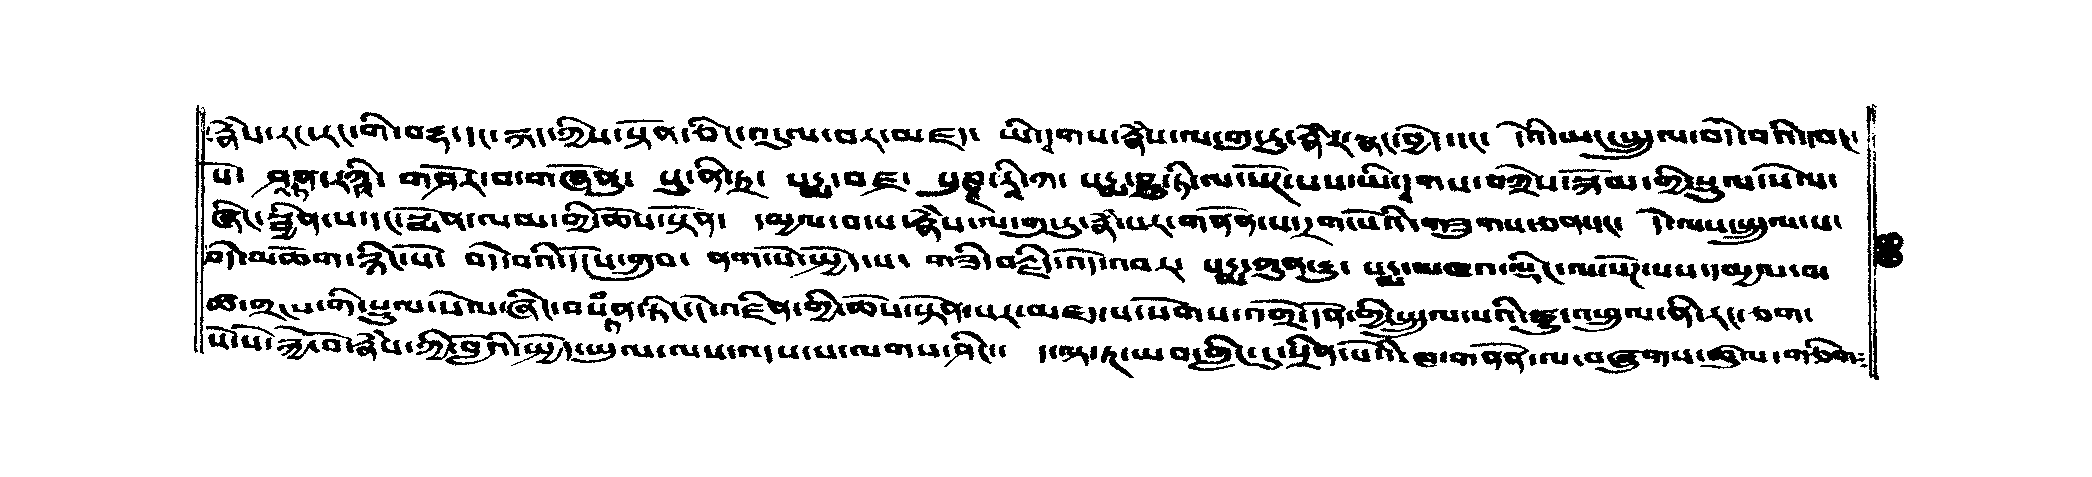རྣམས་རང་རང་གི་བརྡ་དང་སྐད་ཀྱིས་སྟོན་ཅིང་འདུལ་བར་མཛད། ཡི་དྭགས་རྣམས་ལ་གུ་རུ་རྣམ་པར་སྣང་བྱེད་དང་། དེའི་ཡང་སྤྲུལ་བདེ་བའི་དབང་
པོ། ཤཱནྟ་རཀརི། གཤོར་བ་གཞོན་ནུ། པུ་ནི་ཏྲ། པདྨ་བཛྲ། པུཎྜ་རཱི་ཀ། པདྨ་བྷུ་ཏི་ལ་སོགས་པས་ཡི་དྭགས་བཀྲེས་སྐོམ་གྱི་སྡུག་བསྔལ་སེལ་
ཞིང་སྦྱིན་པ་དང་སྨོན་ལམ་གྱི་ཆོས་སྟོན། དམྱལ་བ་པ་རྣམས་ལ་གུ་རུ་རྣམ་པར་གནོན་པ་དྲག་པོའི་གཟུགས་ཅན་དང་། དེ་ལས་སྤྲུལ་པ་
བདེ་མཆོག་སྙིང་པོ། བདེ་བའི་དངོས་གྲུབ། ནག་པོ་སྤྱོད་པ། གཟི་བརྗིད་འོད་འབར། པདྨ་ཀུན་རྒྱུ། པདྨ་མཁའ་ལྡིངལ་སོགས་པས་དམྱལ་བ་
ཚ་གྲང་གི་སྡུག་བསྔལ་སེལ་ཞིང་བསམ་གཏན་ཏིང་ངེ་འཛིན་གྱི་ཆོས་སྟོན་པར་མཛད་པ་སོགས་འགྲོ་དོན་གྱི་སྤྲུལ་པའི་སྒྱུ་འཕྲུལ་ནི་རང་ཅག་
སོ་སོ་སྐྱེ་བོ་རྣམས་ཀྱི་བློའི་སྤྱོད་ཡུལ་ལས་འདས་པ་ལགས་ཤིང་།ད་ལྟ་རྔ་ཡབ་གླིང་དུ་སྲིན་པོའི་ཁ་གནོན་ལ་བཞུགས་ཚུལ་གཅིག་